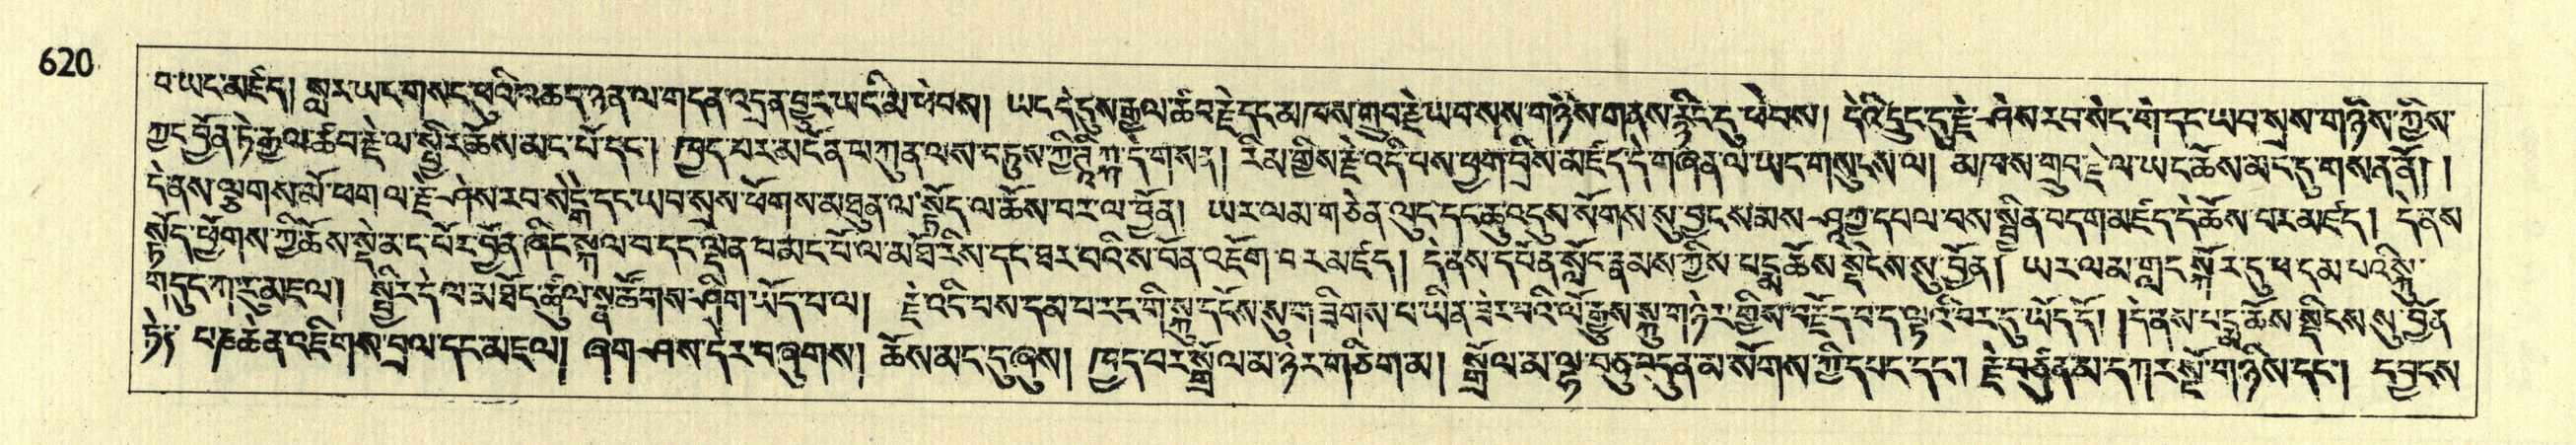བ་ཡང་མཛད། སླར་ཡང་གསང་ཕུའི་འཆད་ཉན་ལ་གདན་འདྲན་བྱུང་ཡང་མི་ཕེབས། ཡང་དེ་དུས་རྒྱལ་ཚབ་རྗེ་དང་མཁས་གྲུབ་རྗེ་ཡབ་སས་གཉིས་གནས་རྙིང་དུ་ཕེབས། དེའི་དྲུང་དུ་རྗེ་ཤེས་རབ་སེང་གེ་དང་ཡབ་སྲས་གཉིས་ཀྱིས་
ཀྱང་བྱོན་ཏེ་རྒྱལ་ཚབ་རྗེ་ལ་སྤྱིར་ཆོས་མང་པོ་དང་། ཁྱད་པར་མངོན་ལ་ཀུན་ལས་བཏུས་ཀྱི་ཊཱིཀྐ་དེ་གསན། རིམ་གྱིས་རྗེ་འདི་པས་ཕྱག་བྲིས་མཛད་དེ་གཞན་ལ་ཡང་གསུངས་ལ། མཁས་གྲུབ་རྗེ་ལ་ཡང་ཆོས་མང་དུ་གསན་ནོ། །
དེ་ནས་ལྕགས་མོ་ཕག་ལ་རྗེ་ཤེས་རབ་སེངྒེ་དང་ཡབ་སྲས་ཕོགས་མཐུན་ལ་སྟོད་ལ་ཆོས་བར་ལ་བྱོན། ཡར་ལམ་གཅེན་ལུང་དང་ཆུ་འདུས་སོགས་སུ་བྱང་སམས་ཤཱཀྱ་དཔལ་བས་སྦྱིན་བདག་མཛད་དེ་ཆོས་ཨར་མཛད། དེ་ནས་
སྟོད་ཕྱོགས་ཀྱི་ཆོས་སྡེ་མང་པོར་བྱོན་ཞིང་སྐལ་བ་དང་ལྡན་བ་མང་པོ་ལ་མཐོ་རིས་དང་ཐར་བའི་ས་བོན་འཇོག་བར་མཛད། དེ་ནས་དཔོན་སློང་རྣམས་ཀྱིས་པདམ་ཆོས་སྡེངས་སུ་བྱོན། ཡར་ལམ་གླང་སྐོར་དུ་ཕ་དམ་པའི་སྐུ་
གདུང་ཀ་རུ་མཇལ། སྤྱིར་དེ་ལ་མཐོང་ཚུལ་སྣ་ཚོགས་ཤིག་ཡོད་པ་ལ། རྗེ་འདི་པས་དམ་པ་རང་གི་སྐུ་དངོས་སུ་གཟིགས་པ་ཡིན་ཟེར་བའི་ལོ་རྒྱུས་སྐུ་གཉེར་གྱིས་བརྗོད་བ་དང་ལྟའི་བར་དུ་ཡོད་དོ། །དེ་ནས་པདམ་ཆོས་སྡིགས་སུ་བྱོན་
ཏེ༑ པཎ་ཆེན་འཇིགས་བྲལ་དང་མཇལ། ཞག་ཤས་དེར་བཞུགས། ཆོས་མང་དུ་ཞུས། ཁྱད་བར་སྒྲོལ་མ་ཉེར་གཅིག་མ། སྒྲོལ་མ་ལྷ་བཅུ་བདུན་མ་སོགས་ཀྱི་དཔང་དང་། རྗེ་བཙུན་མ་དཀར་སྔོ་གཉིས་དང་། དབྱངས་